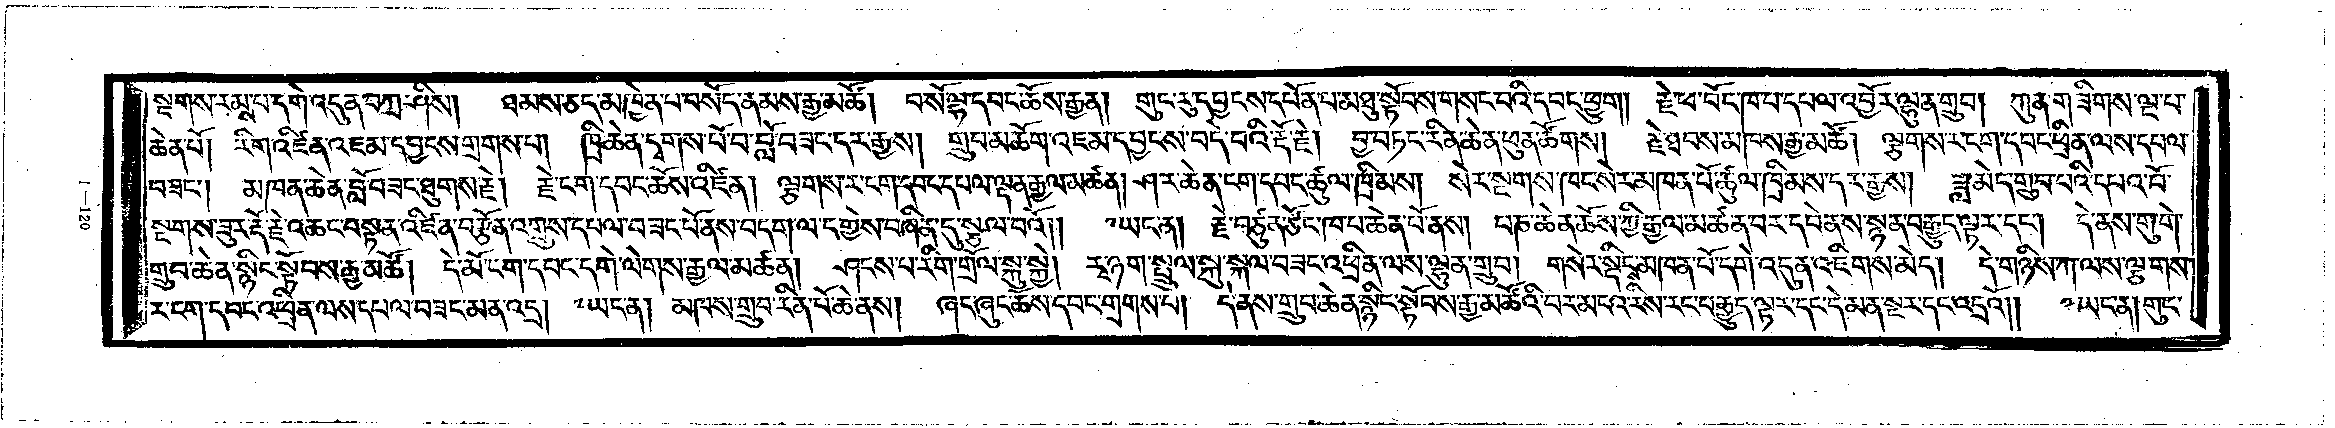སྔགས་རམས་པ་དགེ་འདུན་བཀྲ་ཤིས། ཐམས་ཅད་མཁྱེན་པ་བསོད་ནམས་རྒྱ་མཚོ། བསོ་ལྷ་དབང་ཆོས་རྒྱན། གུང་རུ་དབྱངས་དཔོན་པ་མཐུ་སྟོབས་གསང་བའི་དབང་ཕྱུག། རྗེ་ཕ་བོང་ཁ་པ་དཔལ་འབྱོར་ལྷུན་གྲུབ། ཀུན་གཟིགས་ལྔ་པ་
ཆེན་པོ། རིག་འཛིན་འཇམ་དབྱངས་གྲགས་པ། ཁྲི་ཆེན་དྭགས་པོ་པ་བློ་བཟང་དར་རྒྱས། གྲུབ་མཆོག་འཇམ་དབྱངས་བདེ་བའི་རྡོ་རྗེ། བྱ་བཏང་རིན་ཆེན་ཕུན་ཚོགས། རྗེ་ཐབས་མཁས་རྒྱ་མཚོ། ལྕགས་རང་ག་དབང་ཕྲིན་ལས་དཔལ་
བཟང་། མཁན་ཆེན་བློ་བཟང་ཐུགས་རྗེ། རྗེ་ངག་དབང་ཆོས་འཛིན། ལྕགས་ར་ངག་དབང་དཔལ་ལྡན་རྒྱལ་མཚན། ཤར་ཆེན་ངག་དབང་ཚུལ་ཁྲིམས། སེར་སྔགས་ཁང་སེར་མཁན་པོ་ཚུལ་ཁྲིམས་དར་རྒྱས། ཟླ་མེད་གྲུབ་པའི་དཔའ་བོ་
སྔགས་ཟུར་རྡོ་རྗེ་འཆང་བསྟན་འཛིན་བརྩོན་འགྲུས་དཔལ་བཟང་པོ་ནས་བདག་ལ་དགྱེས་བཞིན་དུ་སྩལ་བའོ།། ༧ཡང་ན། རྗེ་བཙུན་ཙོང་ཁ་པ་ཆེན་པོ་ནས། པཎ་ཆེན་ཆོས་ཀྱི་རྒྱལ་མཚན་བར་དབེན་ས་སྙན་བརྒྱུད་ལྟར་དང་། དེ་ནས་གུ་གེ་
གྲུབ་ཆེན་སྙིང་སྟོབས་རྒྱ་མཚོ། དེ་མོ་ངག་དབང་དགེ་ལེགས་རྒྱལ་མཚན། ཤངས་པ་རིག་གྲོལ་སྐུ་སྐྱེ། རྭ་ཉག་སྤྲུལ་སྐུ་སྐལ་བཟང་འཕྲིན་ལས་ལྷུན་གྲུབ། གསེར་སྡིངས་མཁན་པོ་དགེ་འདུན་འཇིགས་མེད། དེ་གཉིས་ཀ་ལས་ལྕགས་
ར་ངག་དབང་འཕྲིན་ལས་དཔལ་བང་མན་འདྲ། ཡང་ན། མཁས་གྲུབ་རིན་པོ་ཆེ་ནས། ཞང་ཞུང་ཆོས་དབང་གྲས་པ། དེ་ནས་གྲུབ་ཆེན་སྙིང་སྟོབས་རྒྱ་མཚོའི་བར་མངའ་རིས་རང་བརྒྱུད་ལྟར་དང་དེ་མན་སྔར་འདྲོའོ། ། ཡང་ན། གུང་